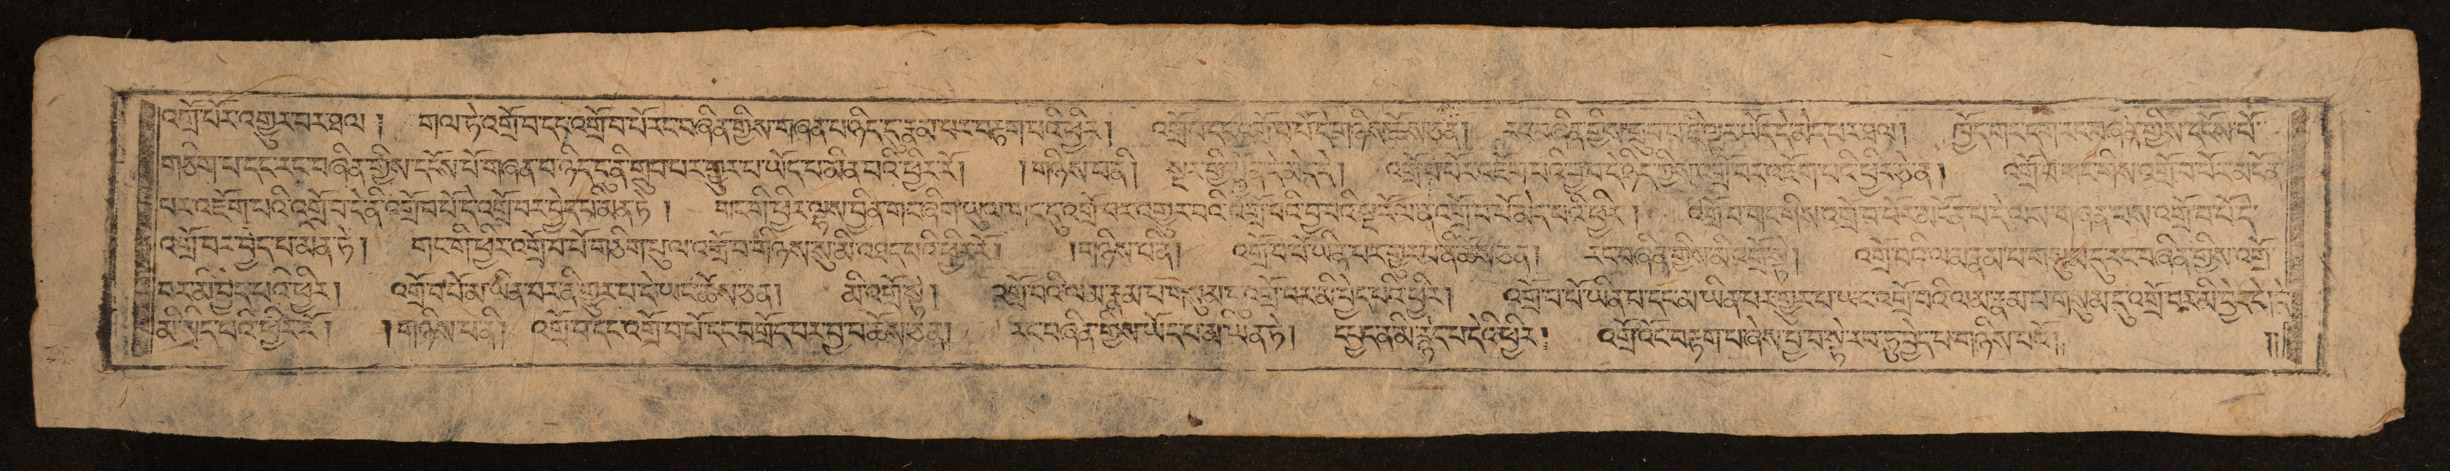འགྲོ་པོ་འགྱུར་བར་ཐལ། གལ་ཏེ་འགོ་བ་དང་འགྲོ་བ་པོ་རང་བཞིན་གྱིས་གཞན་པ་ཉིད་དུ་རྣམ་པར་བརྟག་པའི་ཕྱིར། འགྲོ་བ་དང་འགྲོ་བ་པོ་དེ་གཉིས་ཆོས་ཅན། རང་བཞིན་གྱིས་གྲུབ་པ་ཇི་ལྟར་ཡོད་དེ་མེད་པར་ཐལ། ཁྱོད་གང་དག་རང་བཞིན་གྱིས་དངོས་པོ་
གཅིག་པ་དང་རང་བཞིན་གྱིས་དངོས་པོ་གཞན་པ་ཉིད་དུ་ནི་གྲུབ་པར་གྱུར་པ་ཡོད་པ་མིན་པའི་ཕྱིར་རོ། །གཉིས་པ་ནི། སྔར་གྱི་སྐྱོན་དེ་མེད་དེ། འགྲོ་བ་པོར་འཇོག་པའི་བྱ་བ་དེ་ཉིད་ཀྱིས་འགྲོ་བར་འཇོག་པའི་ཕྱིར་ཅེ་ན། འགྲོ་བ་གང་གིས་འགྲོ་བ་པོར་མངོན་
པར་འཇོག་པའི་འགྲོ་བ་དེ་ནི་འགྲོ་བ་པོ་དེ་འགྲོ་བར་བྱེད་པ་མིན་ཏེ། གང་གི་ཕྱིར་ལྷས་བྱིན་གང་ཞིག་ཡུལ་གང་དུ་འགྲོ་བར་འགྱུར་བའི་འགྲོ་བའི་བྱ་བའི་སྔ་རོལ་ན་འགྲོ་བ་པོ་མེད་པའི་ཕྱིར། འགྲོ་བ་གང་གིས་འགྲོ་བ་པོར་མངོན་པ་དེ་ལས་གཞན་པས་འགྲོ་བ་པོ་དེ་
འགྲོ་བར་བྱེད་པ་མིན་ཏེ། གང་གི་ཕྱིར་འགྲོ་བ་པོ་གཅིག་པུ་ལ་འགྲོ་བ་གཉིས་སུ་མི་འཐད་པའི་ཕྱིར་རོ། །གཉིས་པ་ནི། འགྲོ་བ་པོ་ཡིན་པར་གྱུར་པ་ནི་ཆོས་ཅན། རང་བཞིན་གྱིས་མི་འགྲོ་སྟེ། འགྲོ་བའི་ལམ་རྣམ་པ་གསུམ་དུ་རང་བཞིན་གྱིས་འགྲོ་
བར་མི་བྱེད་པའི་ཕྱིར། འགྲོ་བ་པོ་མ་ཡིན་པར་ནི་གྱུར་པ་དེ་ཡང་ཆོས་ཅན། མི་འགྲོ་སྟེ། འགྲོ་བའི་ལམ་རྣམ་པ་གསུམ་དུ་འགྲོ་བར་མི་བྱེད་པའི་ཕྱིར། འགྲོ་བ་པོ་ཡིན་པ་དང་མ་ཡིན་པར་གྱུར་པ་ཡང་འགྲོ་བའི་ལམ་རྣམ་པ་གསུམ་དུ་འགྲོ་བར་མི་བྱེད་དེ། དེ་
མི་སྲིད་པའི་ཕྱིར་རོ། །གཉིས་པ་ནི། འགྲོ་བ་དང་འགྲོ་བ་པོ་ཨིདང་འགྲོད་པར་བྱ་བ་ཆོས་ཅན། རང་བཞིན་གྱིས་ཡོད་པ་མ་ཡིན་ཏེ། དཔྱད་ན་མི་རྙེད་པ་དེའི་ཕྱིར། འགྲོ་འོང་བརྟག་པ་ཞེས་བ་བ་སྟེ་རབ་ཏུ་བྱེད་པ་གཉིས་པའོ།། །